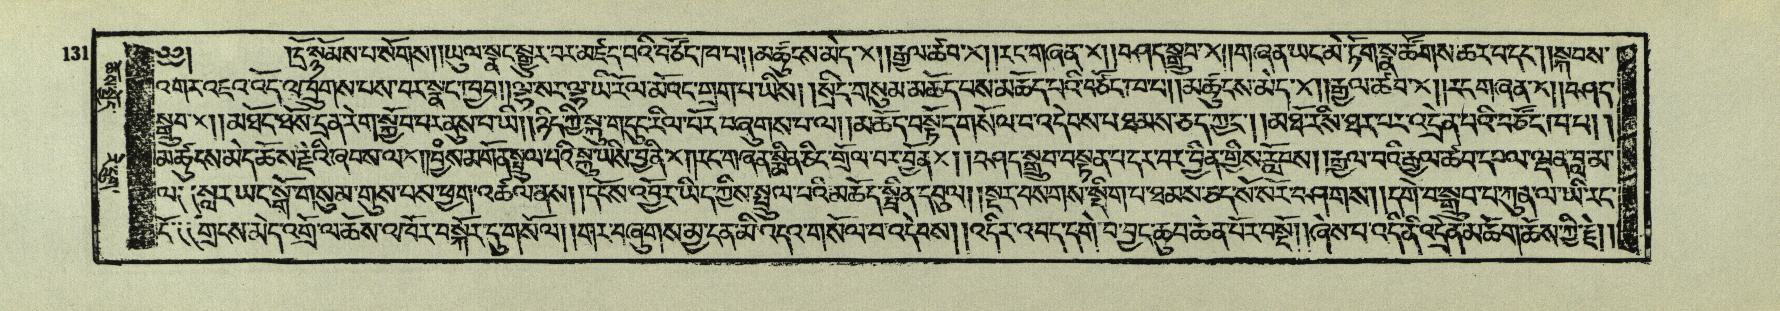༄༅། །དྲོ་སྙོམས་པ་སོགས། །ཡུལ་སྣང་སྒྱུར་བར་མཛད་བའི་བཙོང་ཁ་པ། །མཚུངས་མེད་྾། །རྒྱལ་ཚབ་྾། །རང་གཞན་྾། །བཤད་སྒྲུབ་྾། །གཞན་ཡང་མེ་ཏོག་སྣ་ཚོགས་ཆར་པ་དང་། །སྐབས་
འགར་འཇའ་འོད་འཁྲུགས་པས་བར་སྣང་ཁྱབ། །ལྷ་སར་ལྷ་ཡི་རོལ་མོའང་གྲག་པ་ཡིས། །སྲིད་གསུམ་མཆོད་པས་མཆོད་པའི་བཙོང་ཁ་པ། །མཚུངས་མེད་྾། །རྒྱལ་ཚབ་྾། །རང་གཞན་྾། །བཤད་
སྒྲུབ་྾། །མཐོང་ཐོས་དྲན་རེག་སྐྱོབ་པར་ནུས་པ་ཡི། །ཉིད་ཀྱི་སྐུ་གདུང་རིལ་པོར་བཞུགས་པ་ལ། །མཆོད་བསྟོད་གསོལ་བ་འདེབས་པ་ཐམས་ཅད་ཀྱང་། །མཐོ་རིས་ཐར་པར་འདྲེན་པའི་བཙོང་ཁ་པ། །
མཚུངས་མེད་ཆོས་རྗེའི་ཞབས་ལ་྾། །བྱཾས་མགོན་སྤྲུལ་པའི་སྐུ་ཡིས་བྱིན་྾། །རང་གཞན་སྨིན་ཅིང་གྲོལ་བར་བྱོན་྾། །བཤད་སྒྲུབ་བསྟན་པ་དར་བར་བྱིན་གྱིས་རློབས། །རྒྱལ་བའི་རྒྱལ་ཚབ་དཔལ་ལྡན་བླ་མ་
ལ༑ ༑སླར་ཡང་སྒོ་གསུམ་གུས་པས་ཕྱག་འཚལ་ནས། །དངོས་འབྱོར་ཡིད་ཀྱིས་སྤྲུལ་པའི་མཆོད་སྤྲིན་དབུལ། །སྔར་བསགས་སྡིག་པ་ཐམས་ཅད་སོ་སོར་བཤགས། །དགེ་བ་སྒྲུབ་པ་ཀུན་ལ་ཡི་རང་
དོ༑ ༑གྲངས་མེད་འགྲོ་ལ་ཆོས་འཁོར་བསྐོར་དུ་གསོལ། །གར་བཞུགས་མྱ་ངན་མི་འདའ་གསོལ་བ་འདེབས། །འདིར་འབད་དགེ་བ་བྱང་ཆུབ་ཆེན་པོར་བསྔོ། །ཞེས་པ་འདི་ནི་འདྲེན་མཆོག་ཆོས་ཀྱི་རྗེ། །